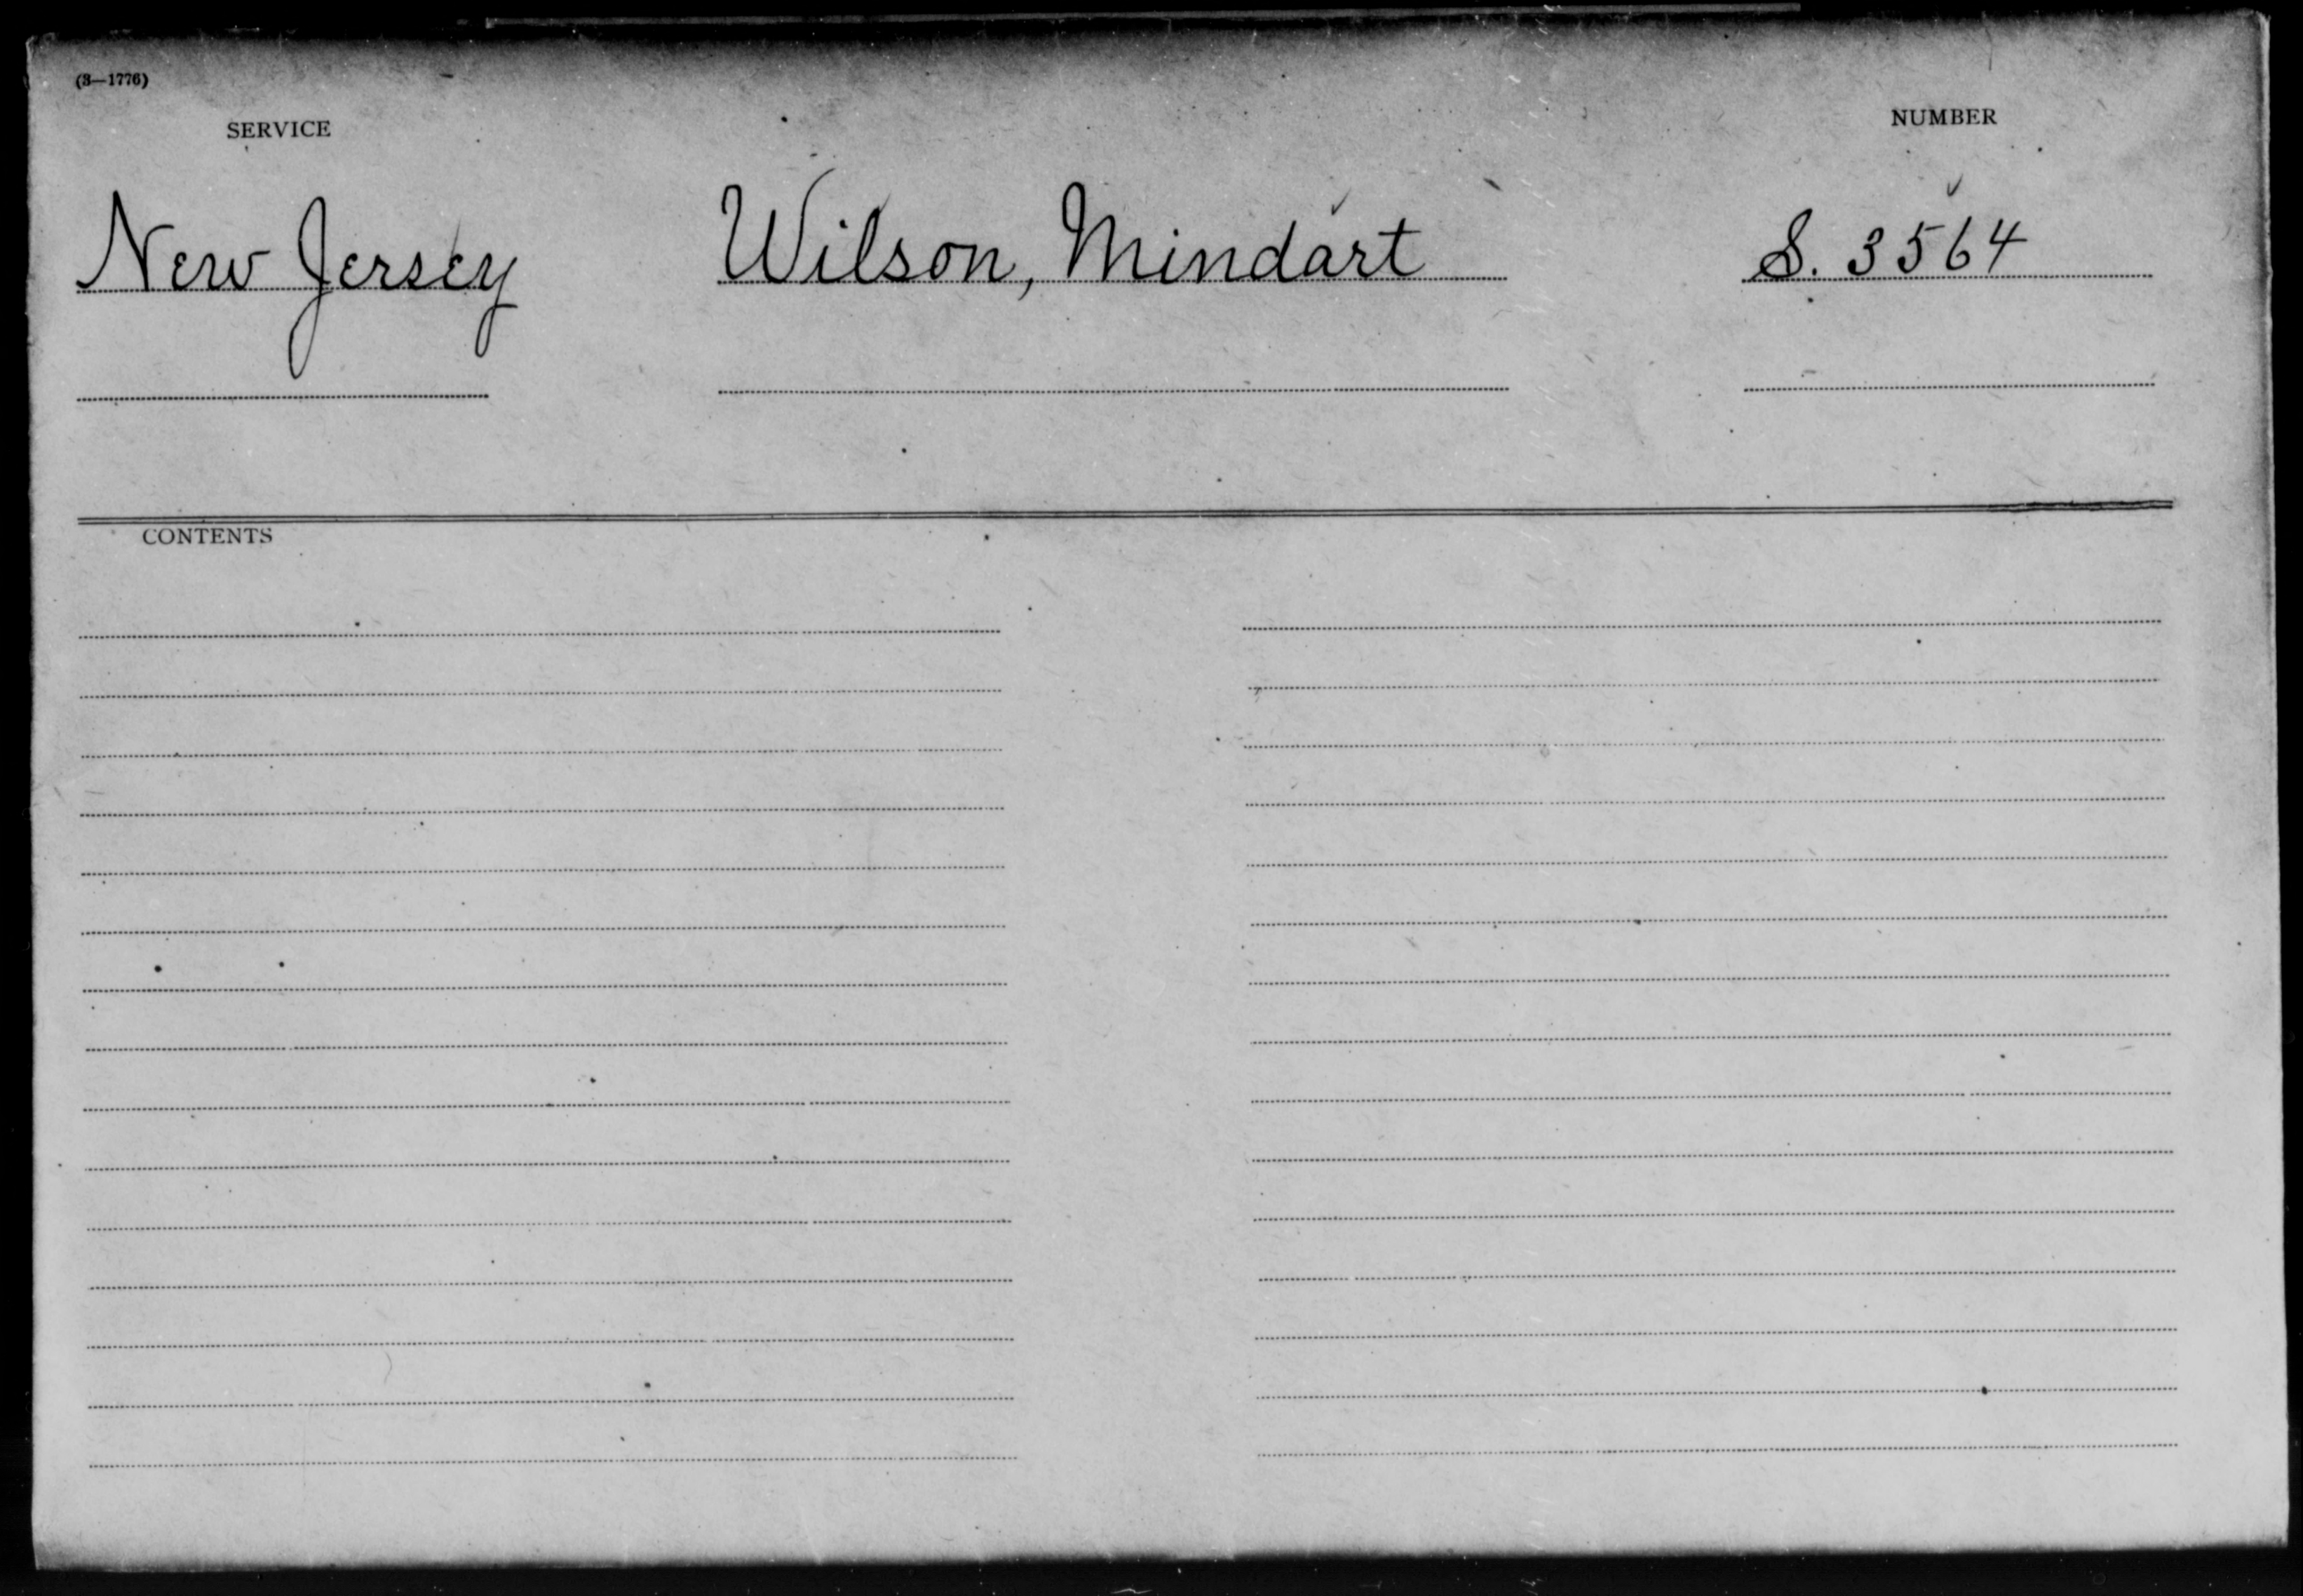(3-1776)
SERVICE
New Jersey

Wilson, Mindart

NUMBER
S.3564
===
CONTENTS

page: 1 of 40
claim: survivor's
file: S. 3564, Mindart Wilson, New Jersey